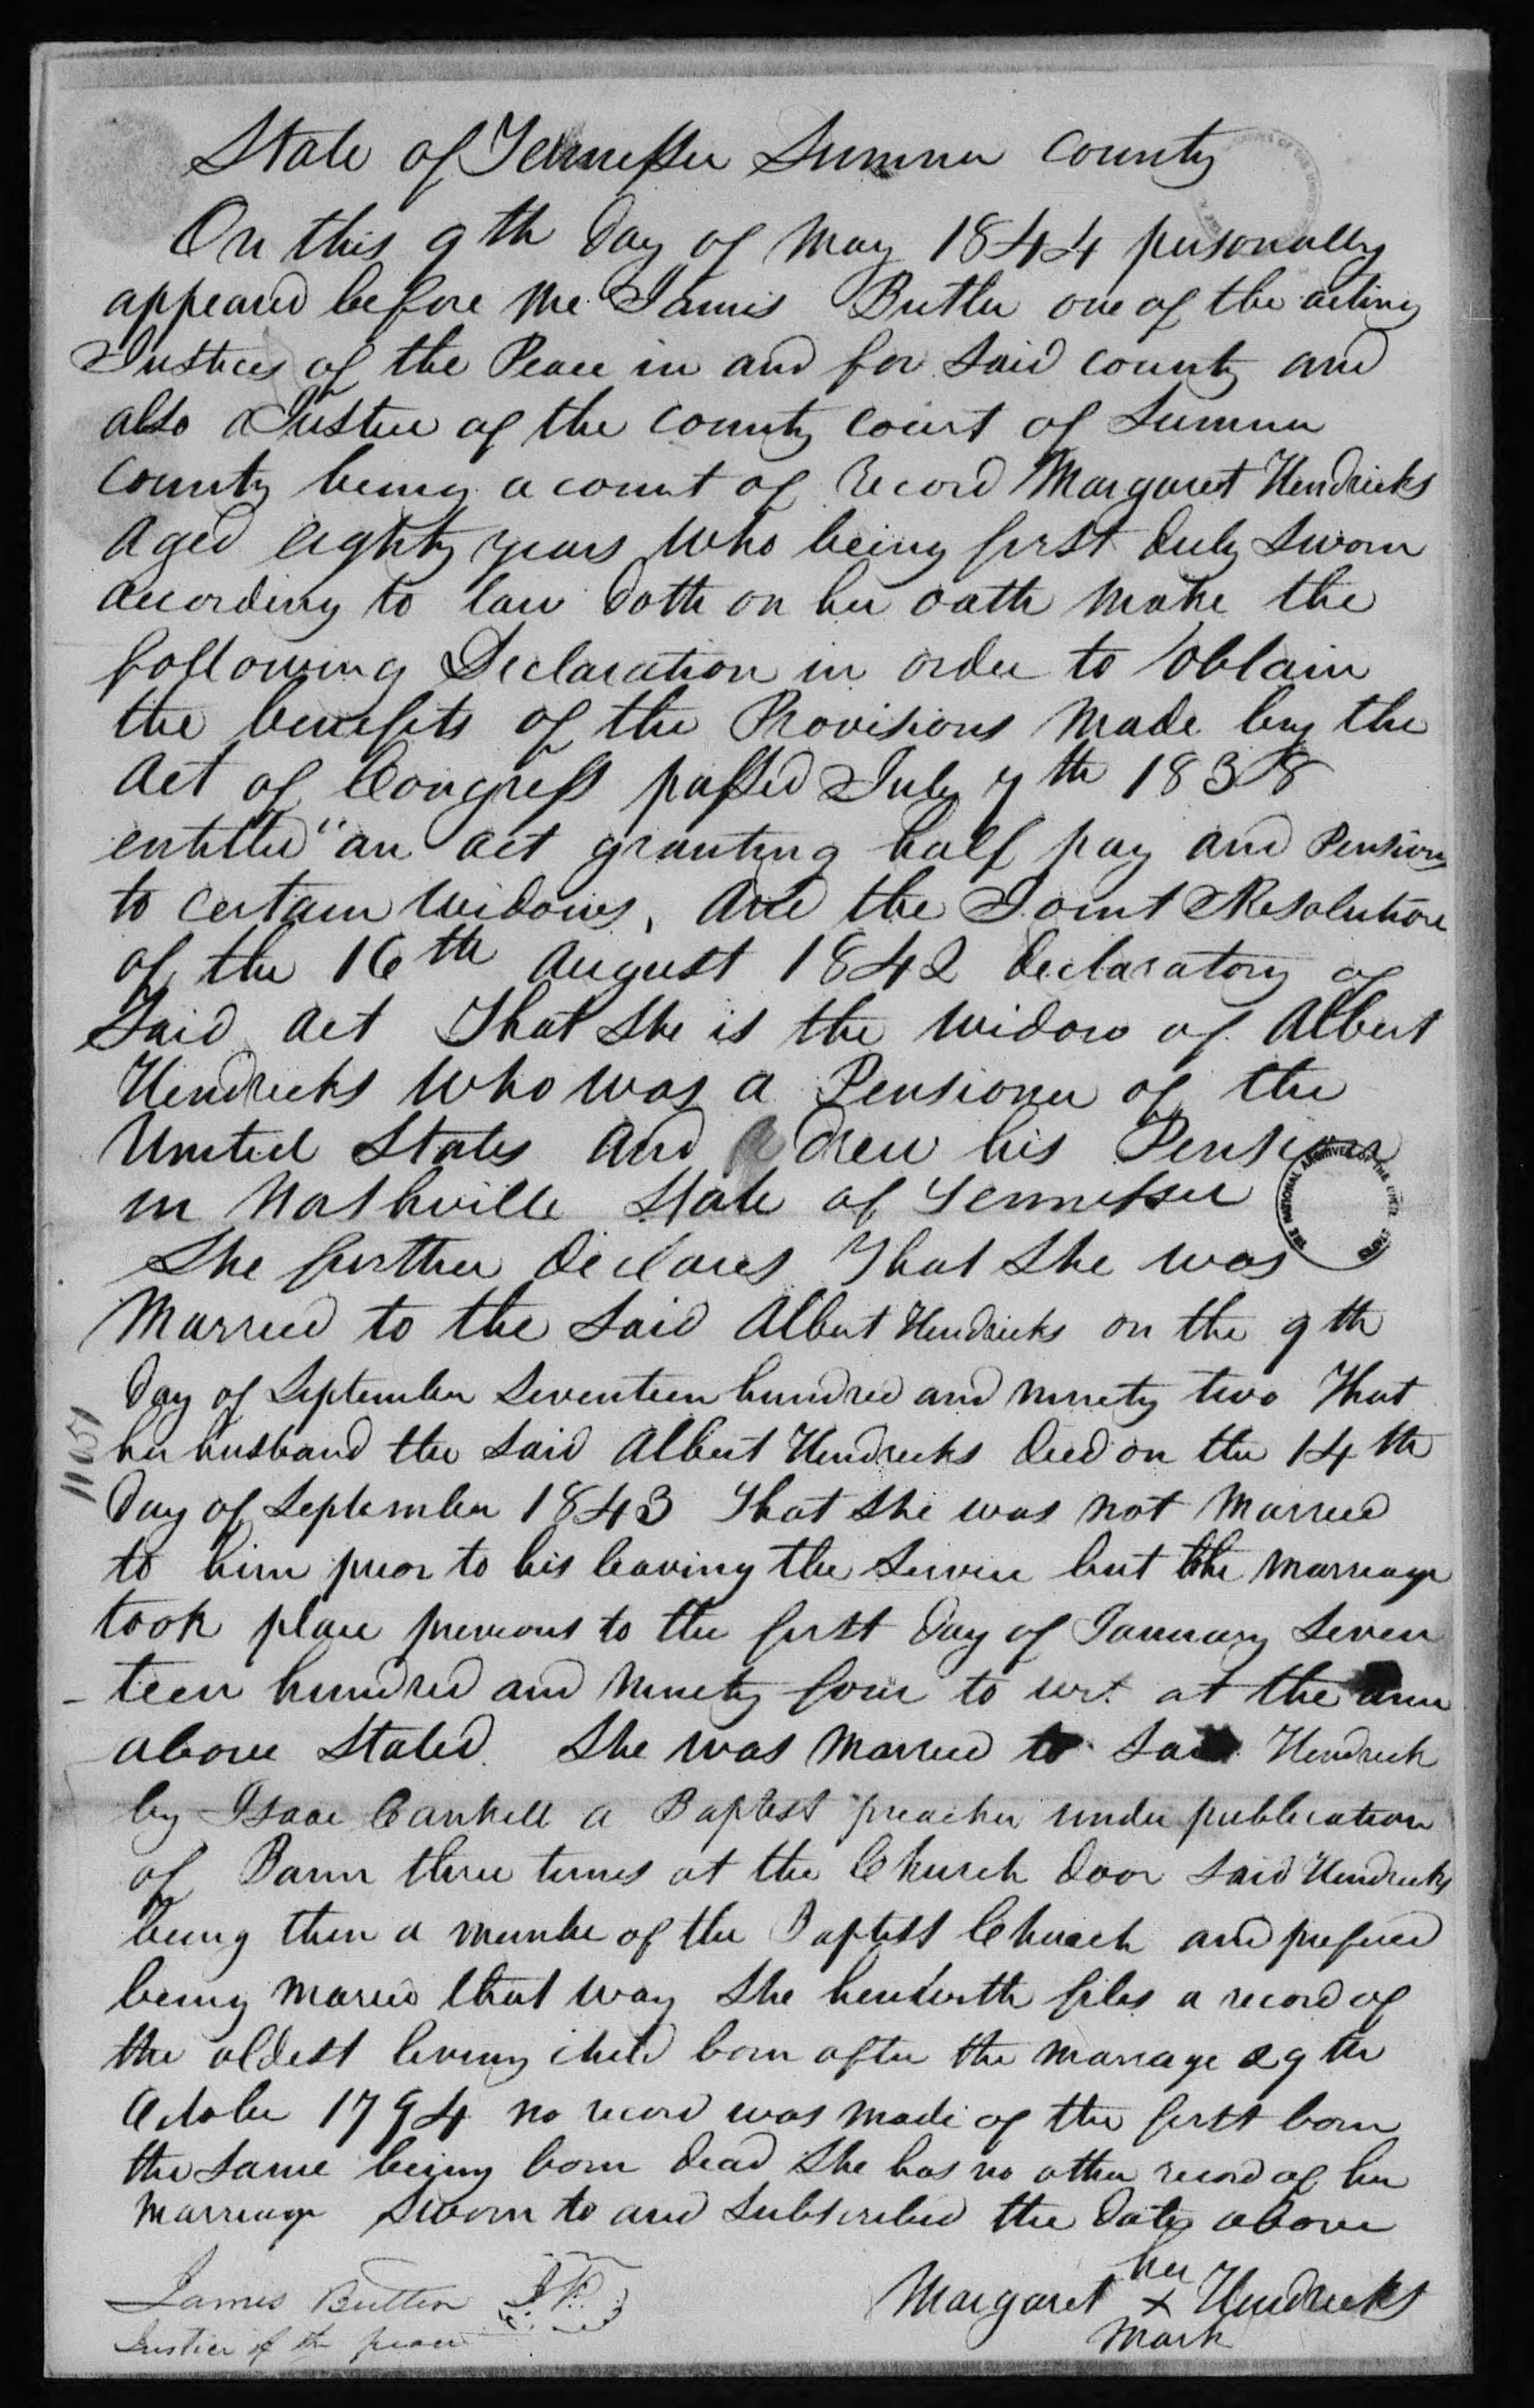State of Tennessee Sumner County
On this 9th day of May 1844 personally appeared before me James Butler one of the acting Justices of the Peace in and for said county and also a Justice of the county court of Sumner County being a court of record Margaret Hendricks aged eighty years who being first duly sworn according to law doth on her oath make the following Declaration in order to obtain the benefits of the provisions made by the act of Congress passed July 7th 1838 entitled "an Act granting half pay and pension to certain widows, and the Joint Resolution of the 16th August 1842 declaratory of said act, that she is the widow of Albert Hendricks who was a pensioner of the United States and drew his pension in Nashville State of Tennessee.  She further declares that he was married to the said Albert Hendricks on the 9th 
of September seventeen hundred and ninety two.  That her husband the said Albert Hendricks died on the 14th day of September 1843.  That she was not married to him prior to his leaving the service but the marriage took place previous to the first day of January seventeen hundred and ninety four to wit at the [illegible] above stated.  She was married to said Hendricks by Isaac Cantrell a Baptist preacher under publication of banns three times at the church door.  Said Hendricks being then a member of the Baptist Church and preferred being married that way.  She herewith files a record of the oldest living child born after the marriage 29th October 1794 no record was made of the first born the same being born dead.  She has no other record of her marriage.  Sworn to and subscribed the date above.  Margaret Hendricks X her mark
James Butler J. P.
Justice of the Peace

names: Albert Hendricks, Albert Hendricks, Isaac Cantrell, Margaret Hendricks, James Butler, Hendrick, Margaret Hendricks, Albert Hendricks, James Butler, Hendricks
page: 5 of 76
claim: widow's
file: W. 83, Albert Hendricks, Continental Md. N.C.